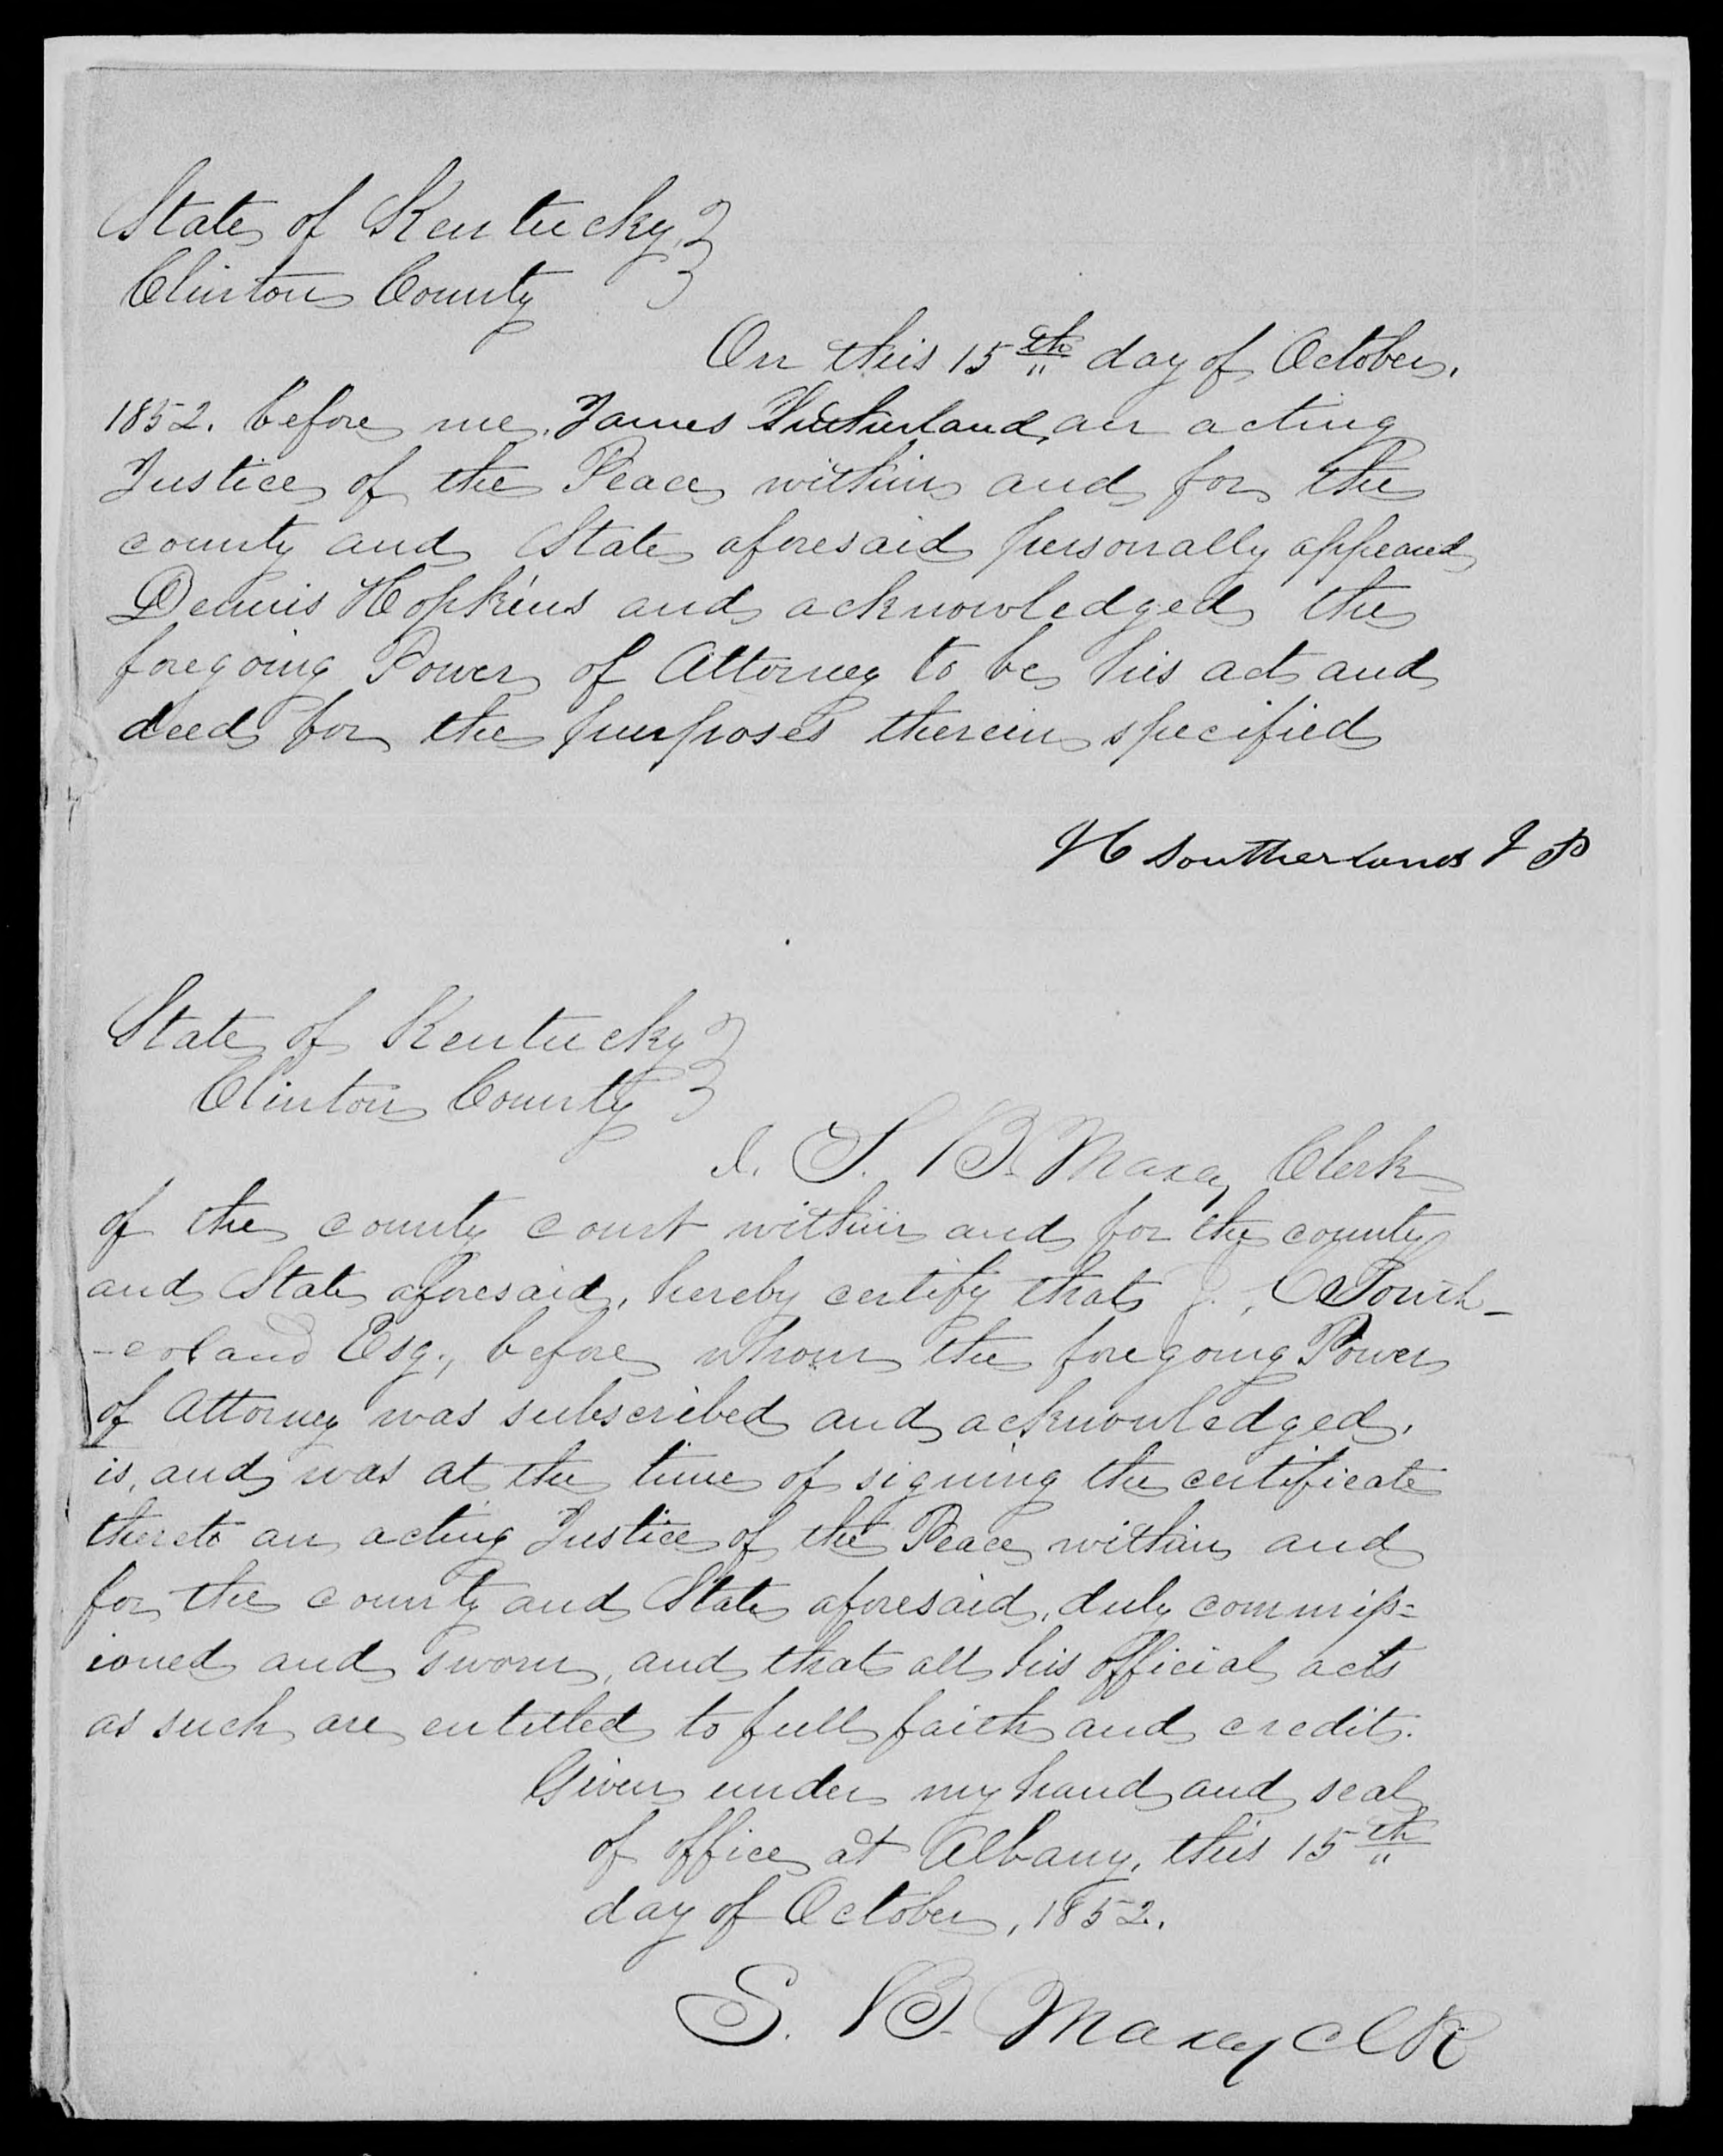State of Kentucky 
Clinton County  }
  On this 15th day of October 1852, before me James Sutherland, an acting Justice of the Peace, within and for the county and state aforesaid personally appeared Dennis Hopkins and acknowledged the foregoing Power of Attorney to be his act and deed for the purposes therein specified. [signed] J Sutherland JP

State of Kentucky 
Clinton County   }
    I S. B. Maxey, Clerk of the county court within and for the county and State aforesaid, hereby certify that J Southerland Esq., before whom the foregoing power of attorney was subscribed and acknowledged, is and was at the time of signing the certificate thereto an acting Justice of the Peace, within and for the county and State aforesaid, duly commissioned and sworn, and that all his official acts as such are entitled to full faith and credit.
Given under my hand and seal of office at Albany, this 15th day of October, 1852.  S. B. Maxey  Clk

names: James Sutherland, Dennis Hopkins, S B Maxey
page: 45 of 144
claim: rejected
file: R. 5208, Dennis Hopkins, N.C.